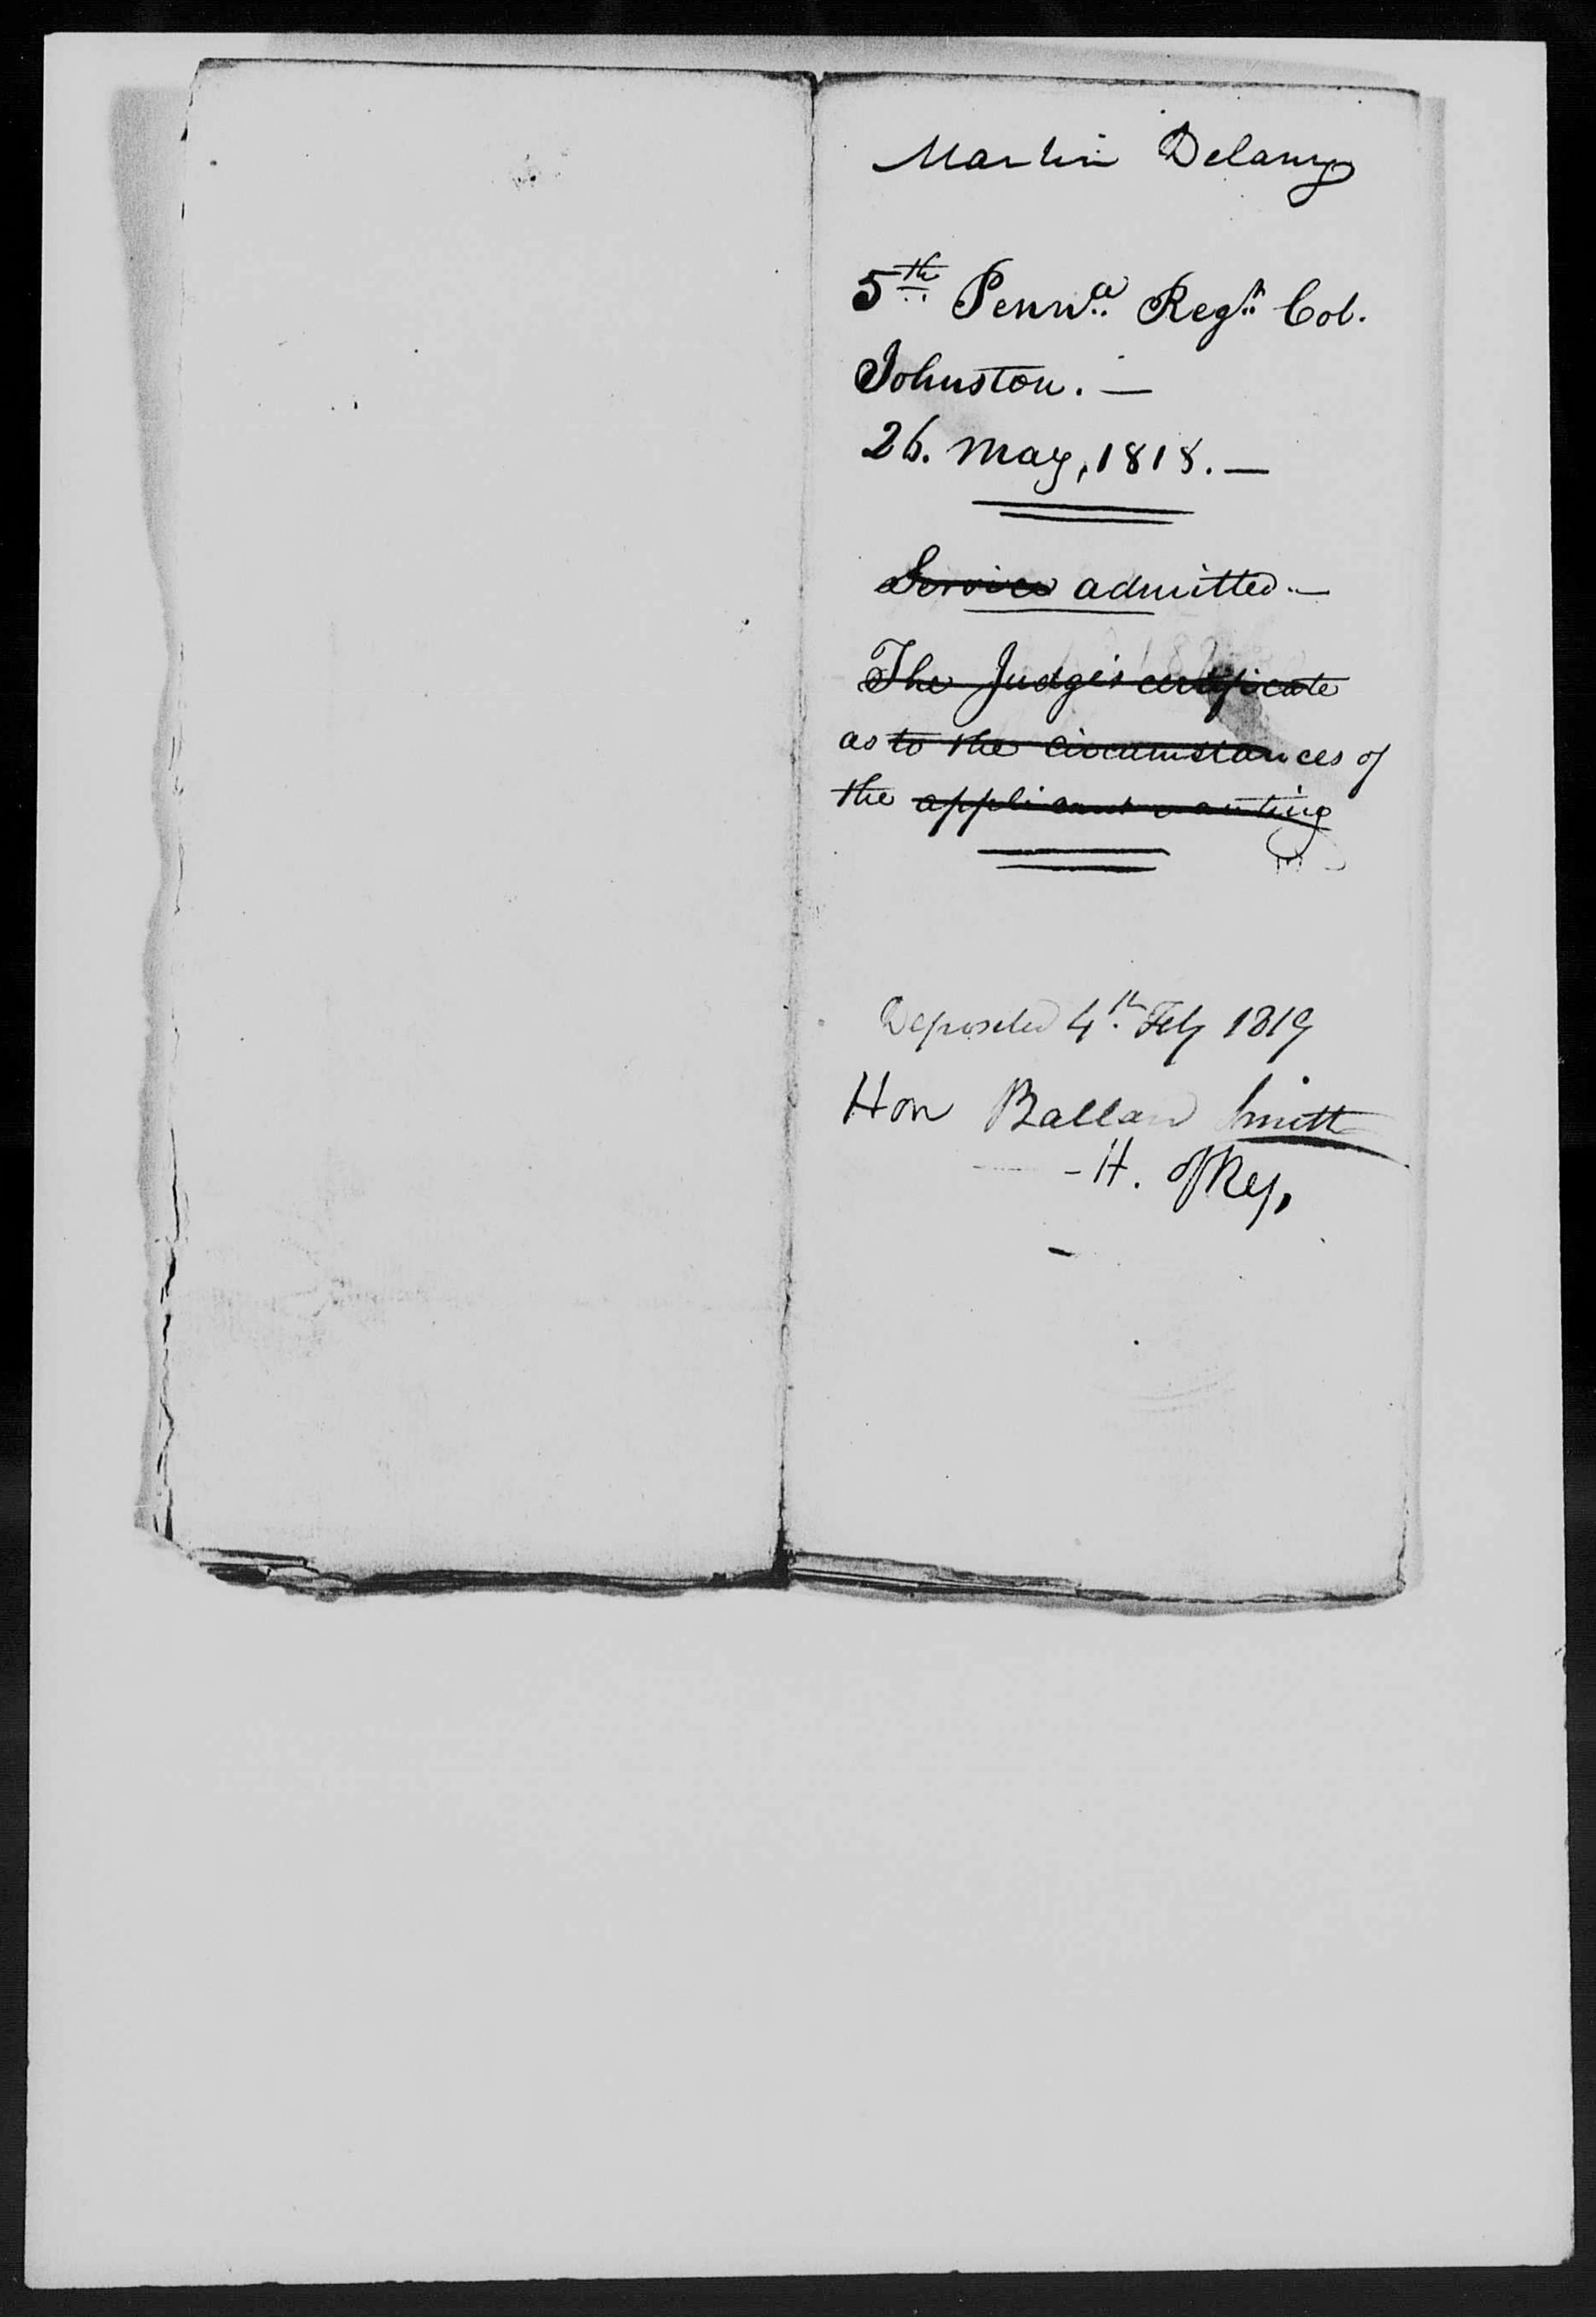Martin Delany

5th Penn Regt Col
Johnston -
26. May, 1818. ____
-----
Service 
admitted
The Judge's certificate
as to the circumstances of
the applicant [Illegible]

-----
Deposited 4th July 1819
Hon. Ballard Smith
H. of Rep.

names: Johnston, Martin Delaney, Ballard Smith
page: 8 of 22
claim: survivor's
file: S. 3,9425, Martin Delany, Penn.